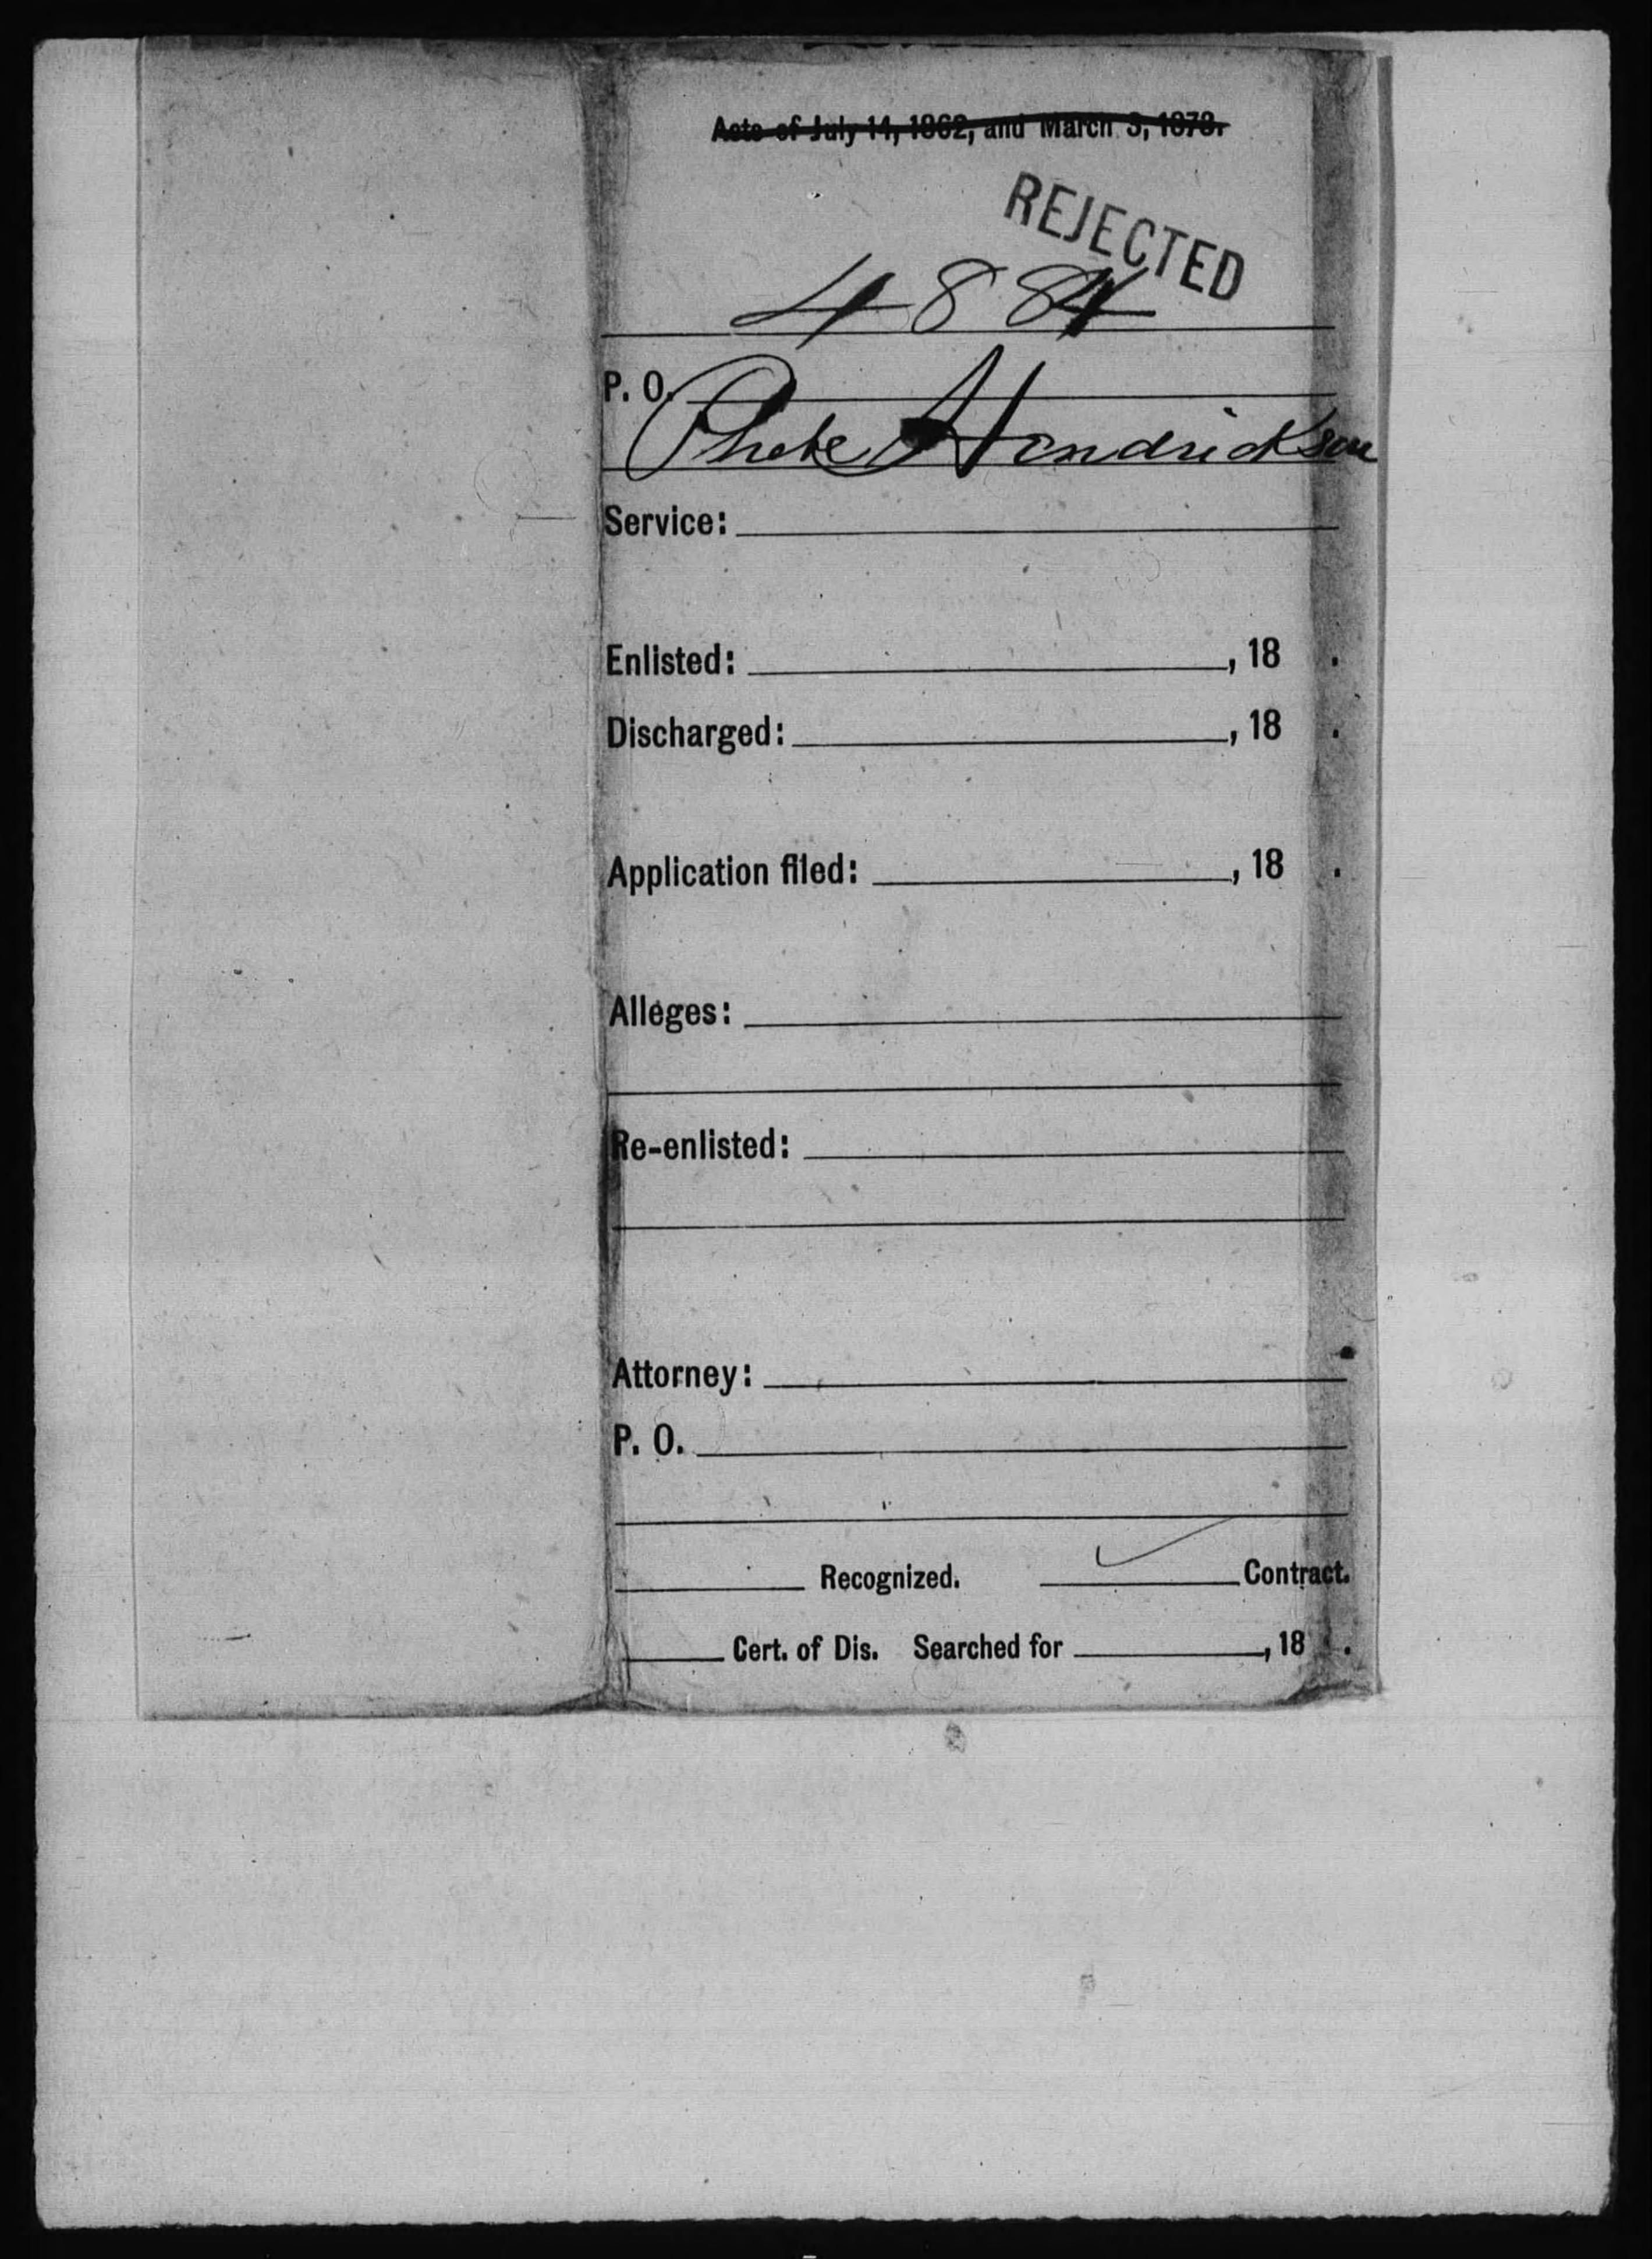REJECTED
4884
P.O.
Phebe Hendrickson
Service:_____
Enlisted: ______, 18
Discharged: _____, 18
Application filed:_____, 18
Alleges:_____
Re-enlisted:_____
Attorney: _____
P. O. _____
_____Recognized.  __X___Contract.
_____Cert. of Dis.   Searched for _____, 18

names: Phebe Hendrickson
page: 17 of 20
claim: rejected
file: R. 4884, Benjamin Hendrickson, New Jersey